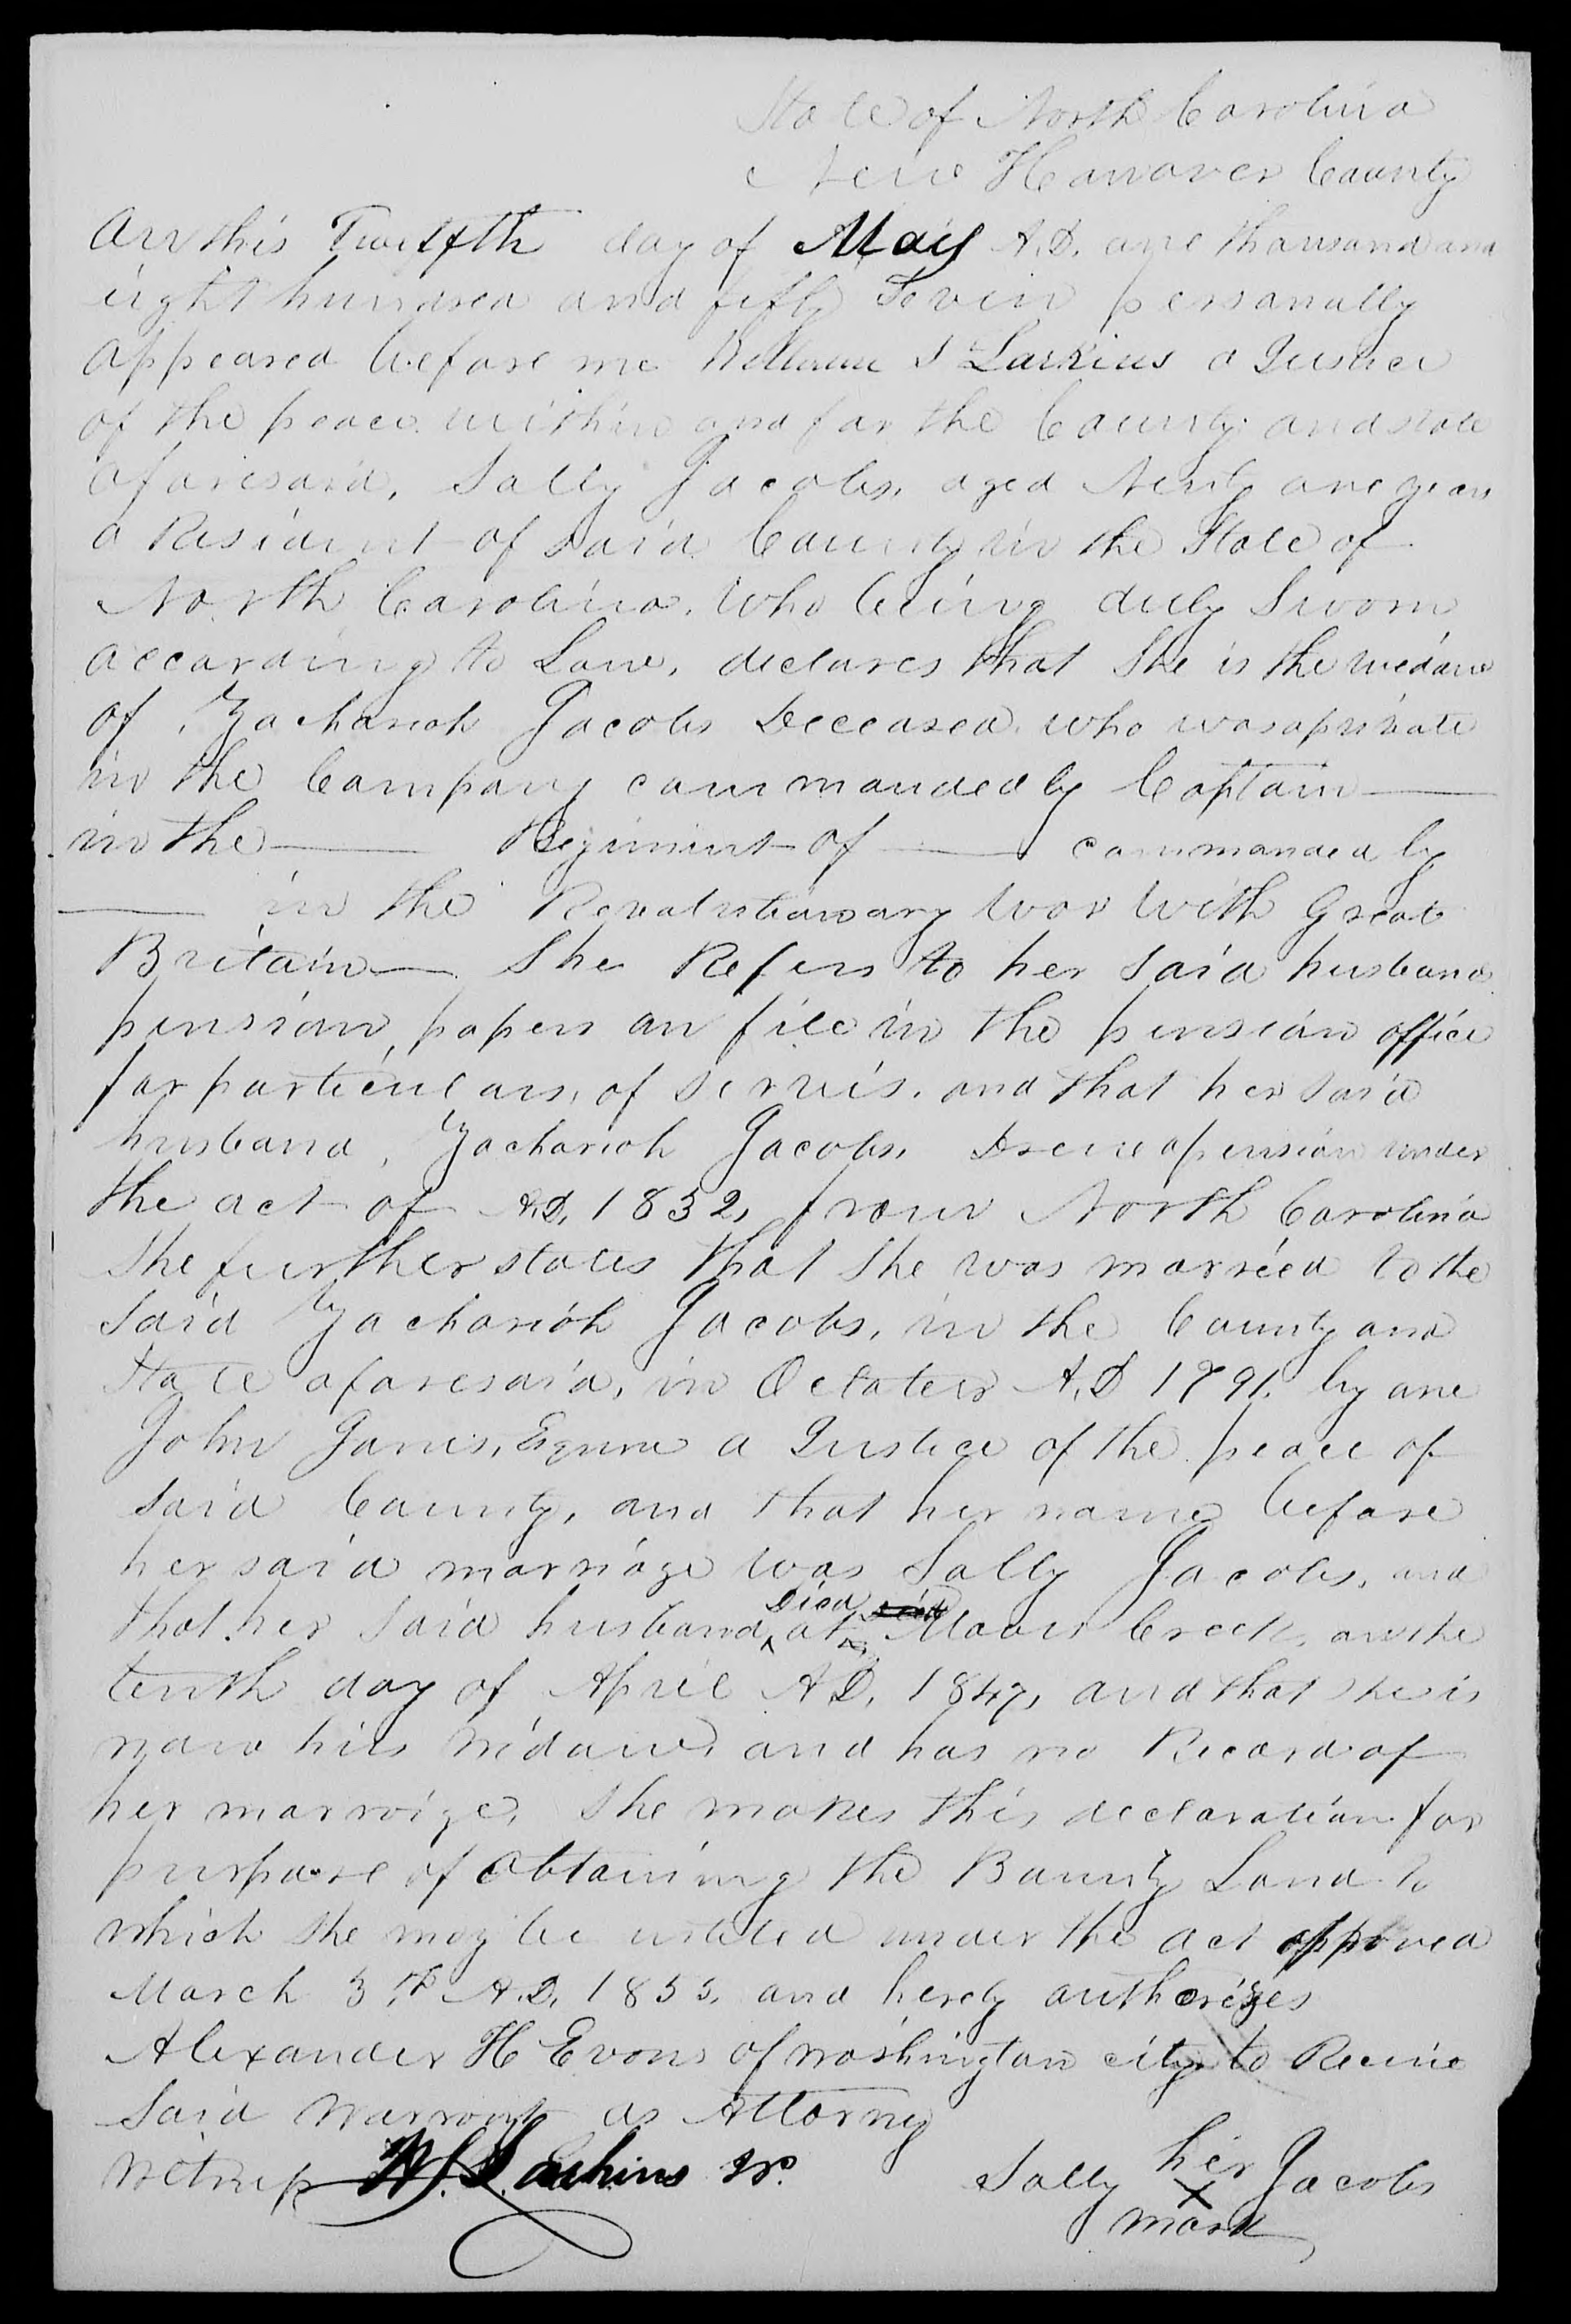State of North Carolina
                                 New Hanover County
On this Twelfth day of May A.D. one thousand and eight hundred and fifty Seven personally appeared before me William S Sarkins a Justice of the peace within and for the County and state aforesaid, Sally Jacobs, aged ninty one years a Resident of said County in the State of North Carolina, who being duly Sworn according to law, declares that She is the widow of Zachariah Jacobs Deceased who was a private in the Company commanded by Captain [blank] in the [blank] Regiment of [blank] commanded by [blank] in the Revolutionary War with Great Britain - She Refers to her said husbands pension papers on file in the pension office for particulars of services, and that her said husband, Zachariah Jacobs,  Dserve a pension under the act of A.D. 1832, from North Carolina She further states that She was married to the Said Zachariah Jacobs, in the County and State aforesaid, in October A.D 1791 by one John James, Esquire a Justice of the peace of Said County, and that her name before her said marriage was Sally Jacobs, and that her Said husband [the word "Died" is inserted from above] Died at Moors Creek on the tenth day of April A.D. 1847, and that she is now his widow and has no Record of her marriage.  She makes this declaration for the purpose of obtaining the Bounty Land to which she may be entitled under the act approved March 3rD A.D. 1855, and hereby authorizes Alexander H. Evans of Washington city to Receive Said Warrant as Attorney              
                                             her
                    [Signature] Sally  X  Jacobs
                                             mark
Witness  W.L. Sarkins  [illegible]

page: 16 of 40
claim: widow's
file: W. 5304, for Zachariah Jacobs, North Carolina